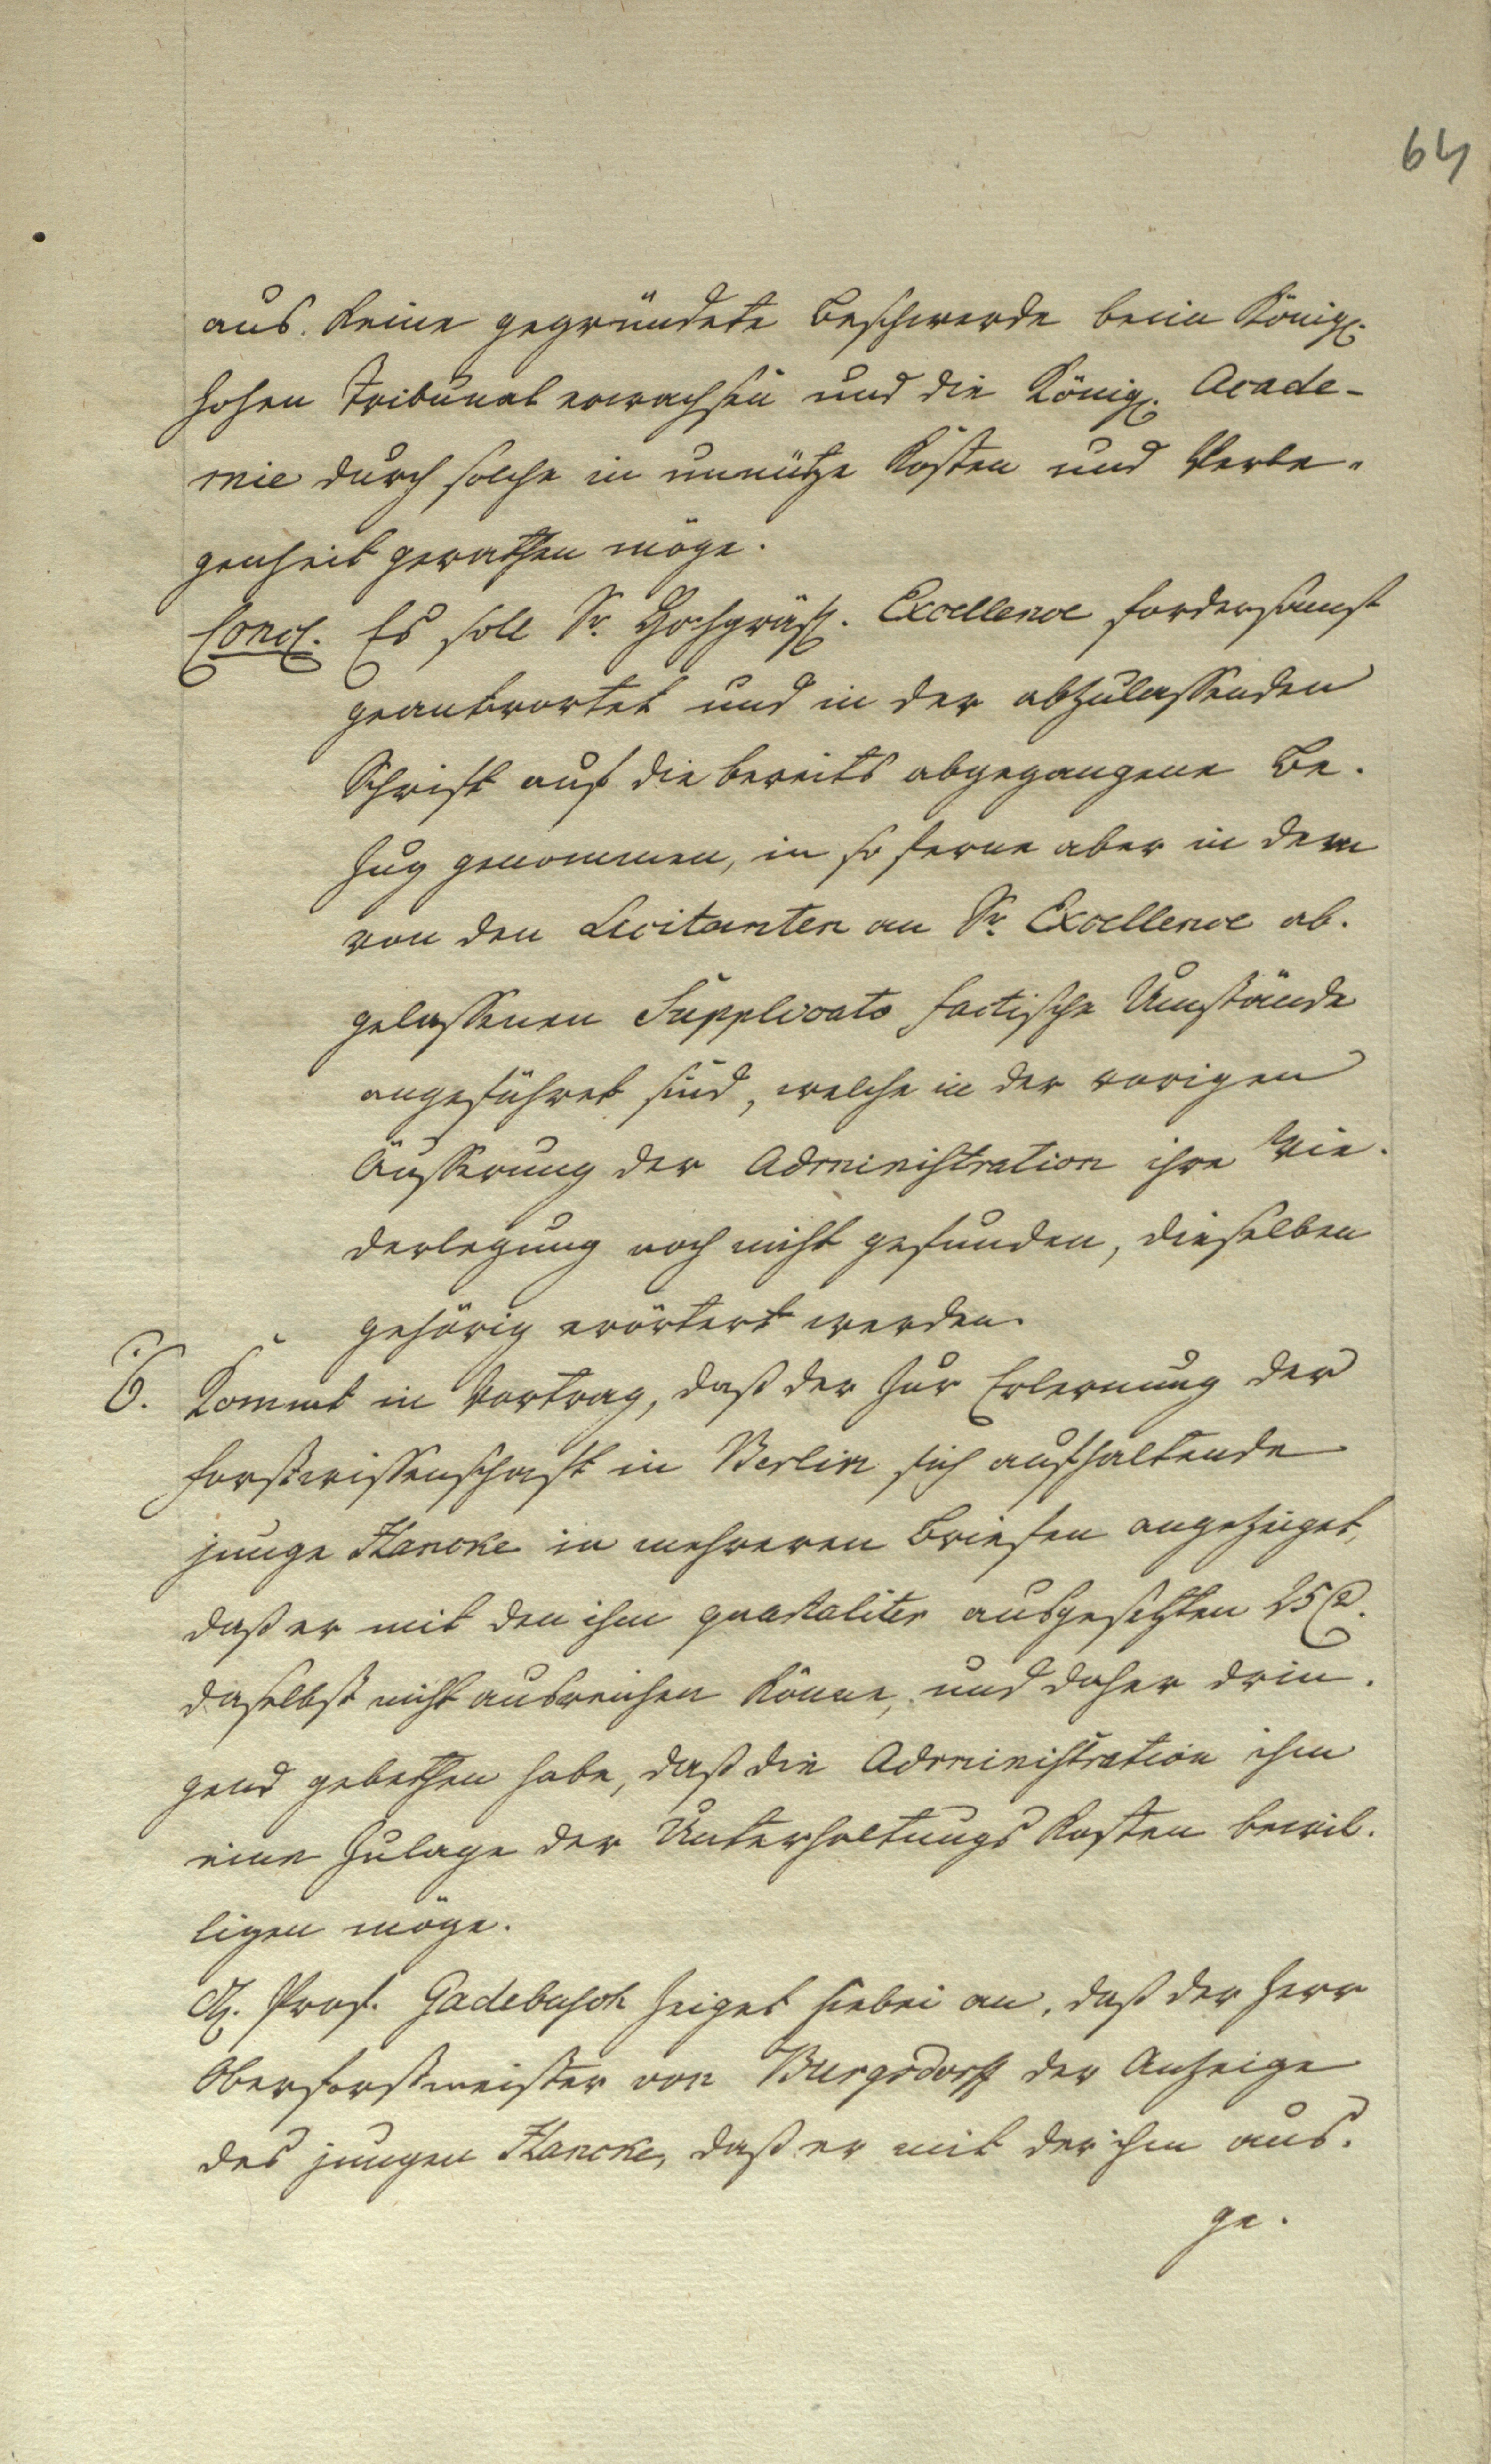aus keine geguündete Beschwerde beim Königl.
Hohen Tribunal erwachsen und die Königl. Acade¬
mie durch solche in unnütze Kosten und Verle¬
genheit gerathen möge.
Concl. Es soll Sr Hochgräfl. Excellence fordersamst
geantwortet und in der abzulassenden
Schrift auf die bereits abgegangene Be¬
zug genommen, in so ferne aber in dem
von den Licitanten an Sr Excellence ab¬
gelassenen Supplicato Factische Umstände
angeführet sind, welche in der vorigen
Äusserung der Administration ihre Wie¬
derlegung noch nicht gefunden, dieselben
gehörig erörtert werden.
6. kommt in Vortrag, daß der zur Erlernung der
Forstwissenschaft in Berlin sich aufhaltende
junge Hancke in mehreren Briefen angezeiget,
daß er mit den ihm quartaliter ausgesetzten 25 l.
daselbst nicht ausreichen könne, und daher drin¬
gend gebethen habe, daß die Administration ihm
eine Zulage der Unterhaltungs Kosten bewil¬
ligen möge.
dh. Prof. Gadebusch zeiget hiebei an, daß der Herr
Oberforstmeister von Burgsdorff der Anzeige
des jungen Hancke, daß er mit der ihm aus¬
ge¬